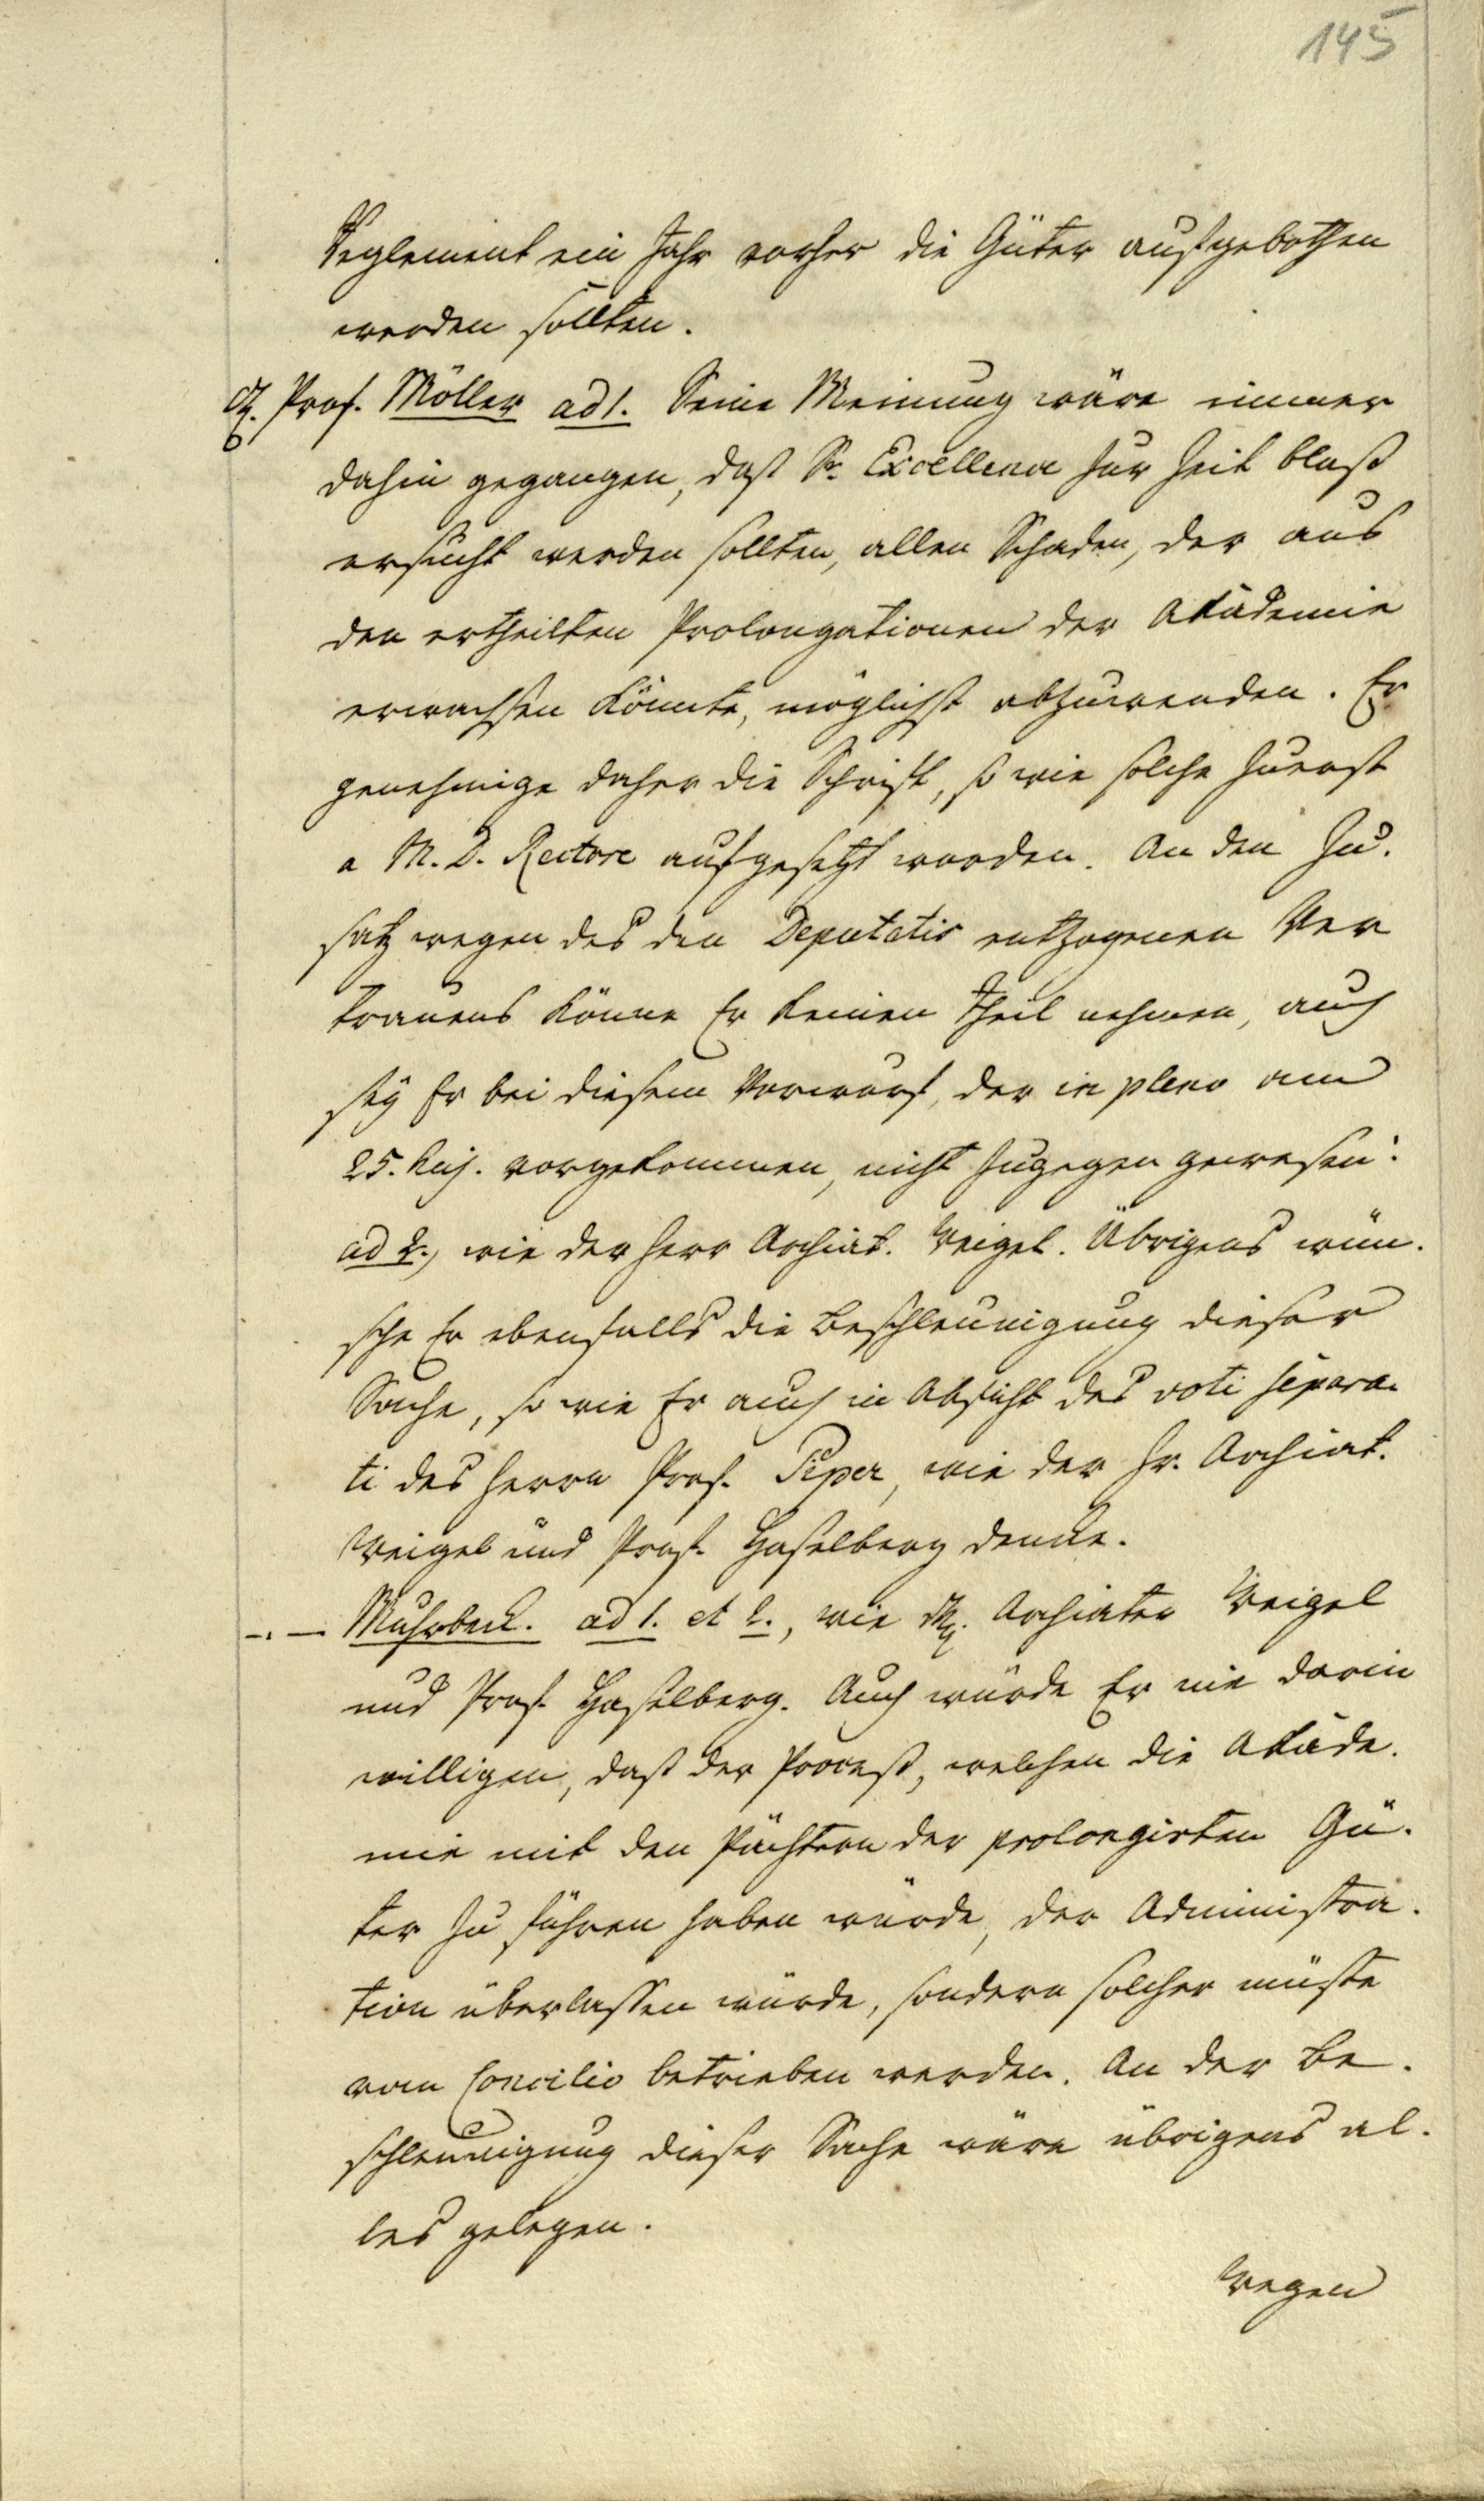Reglement ein Jahr vorher die Güter aufgebothen
werden sollten.
dh. Prof. Möller ad 1. Seine Meinung wäre immer
dahin gegangen, daß Sr Excellence zur Zeit bloß
ersucht werden sollten, allen Schaden, der aus
den ertheilten Prolongationen der Akademie
erwachsen könnte, möglichst abzuwenden. Er
genehmige daher die Schrift, so wie solche zuerst
a M. D. Rectore aufgesetzt worden. An den Zu¬
satz wegen des den Deputatis entzogenen Ver¬
trauens könne Er keinen Theil nehmen, auch
seÿ Er bei diesem Vorwurf, der in pleno am
25. huj. vorgekommen, nicht zugegen gewesen.
ad 2., wie der Herr Archiat. Weigel. Übrigens wün¬
sche Er ebenfalls die Beschleunigung dieser
Sache, so wie Er auch in Absicht des voti separa¬
ti des Herrn Prof. Piper, wie der Hr Archiat.
Weigel und Prof. Haselberg dencke.
Muhrbeck. ad 1. et 2., wie dh. Archiater Weigel
und Prof. Haselberg. Auch würde Er nie darin
willigen, daß der Proceß, welchen die Akade¬
mie mit den Pächtern der prolongirten Gü¬
ter zu führen haben würde, der Administra¬
tion überlassen würde, sondern solcher müßte
vom Concilio betrieben werden,. An der Be¬
schleunigung dieser Sache wäre übrigens al¬
les gelegen.
Wegen